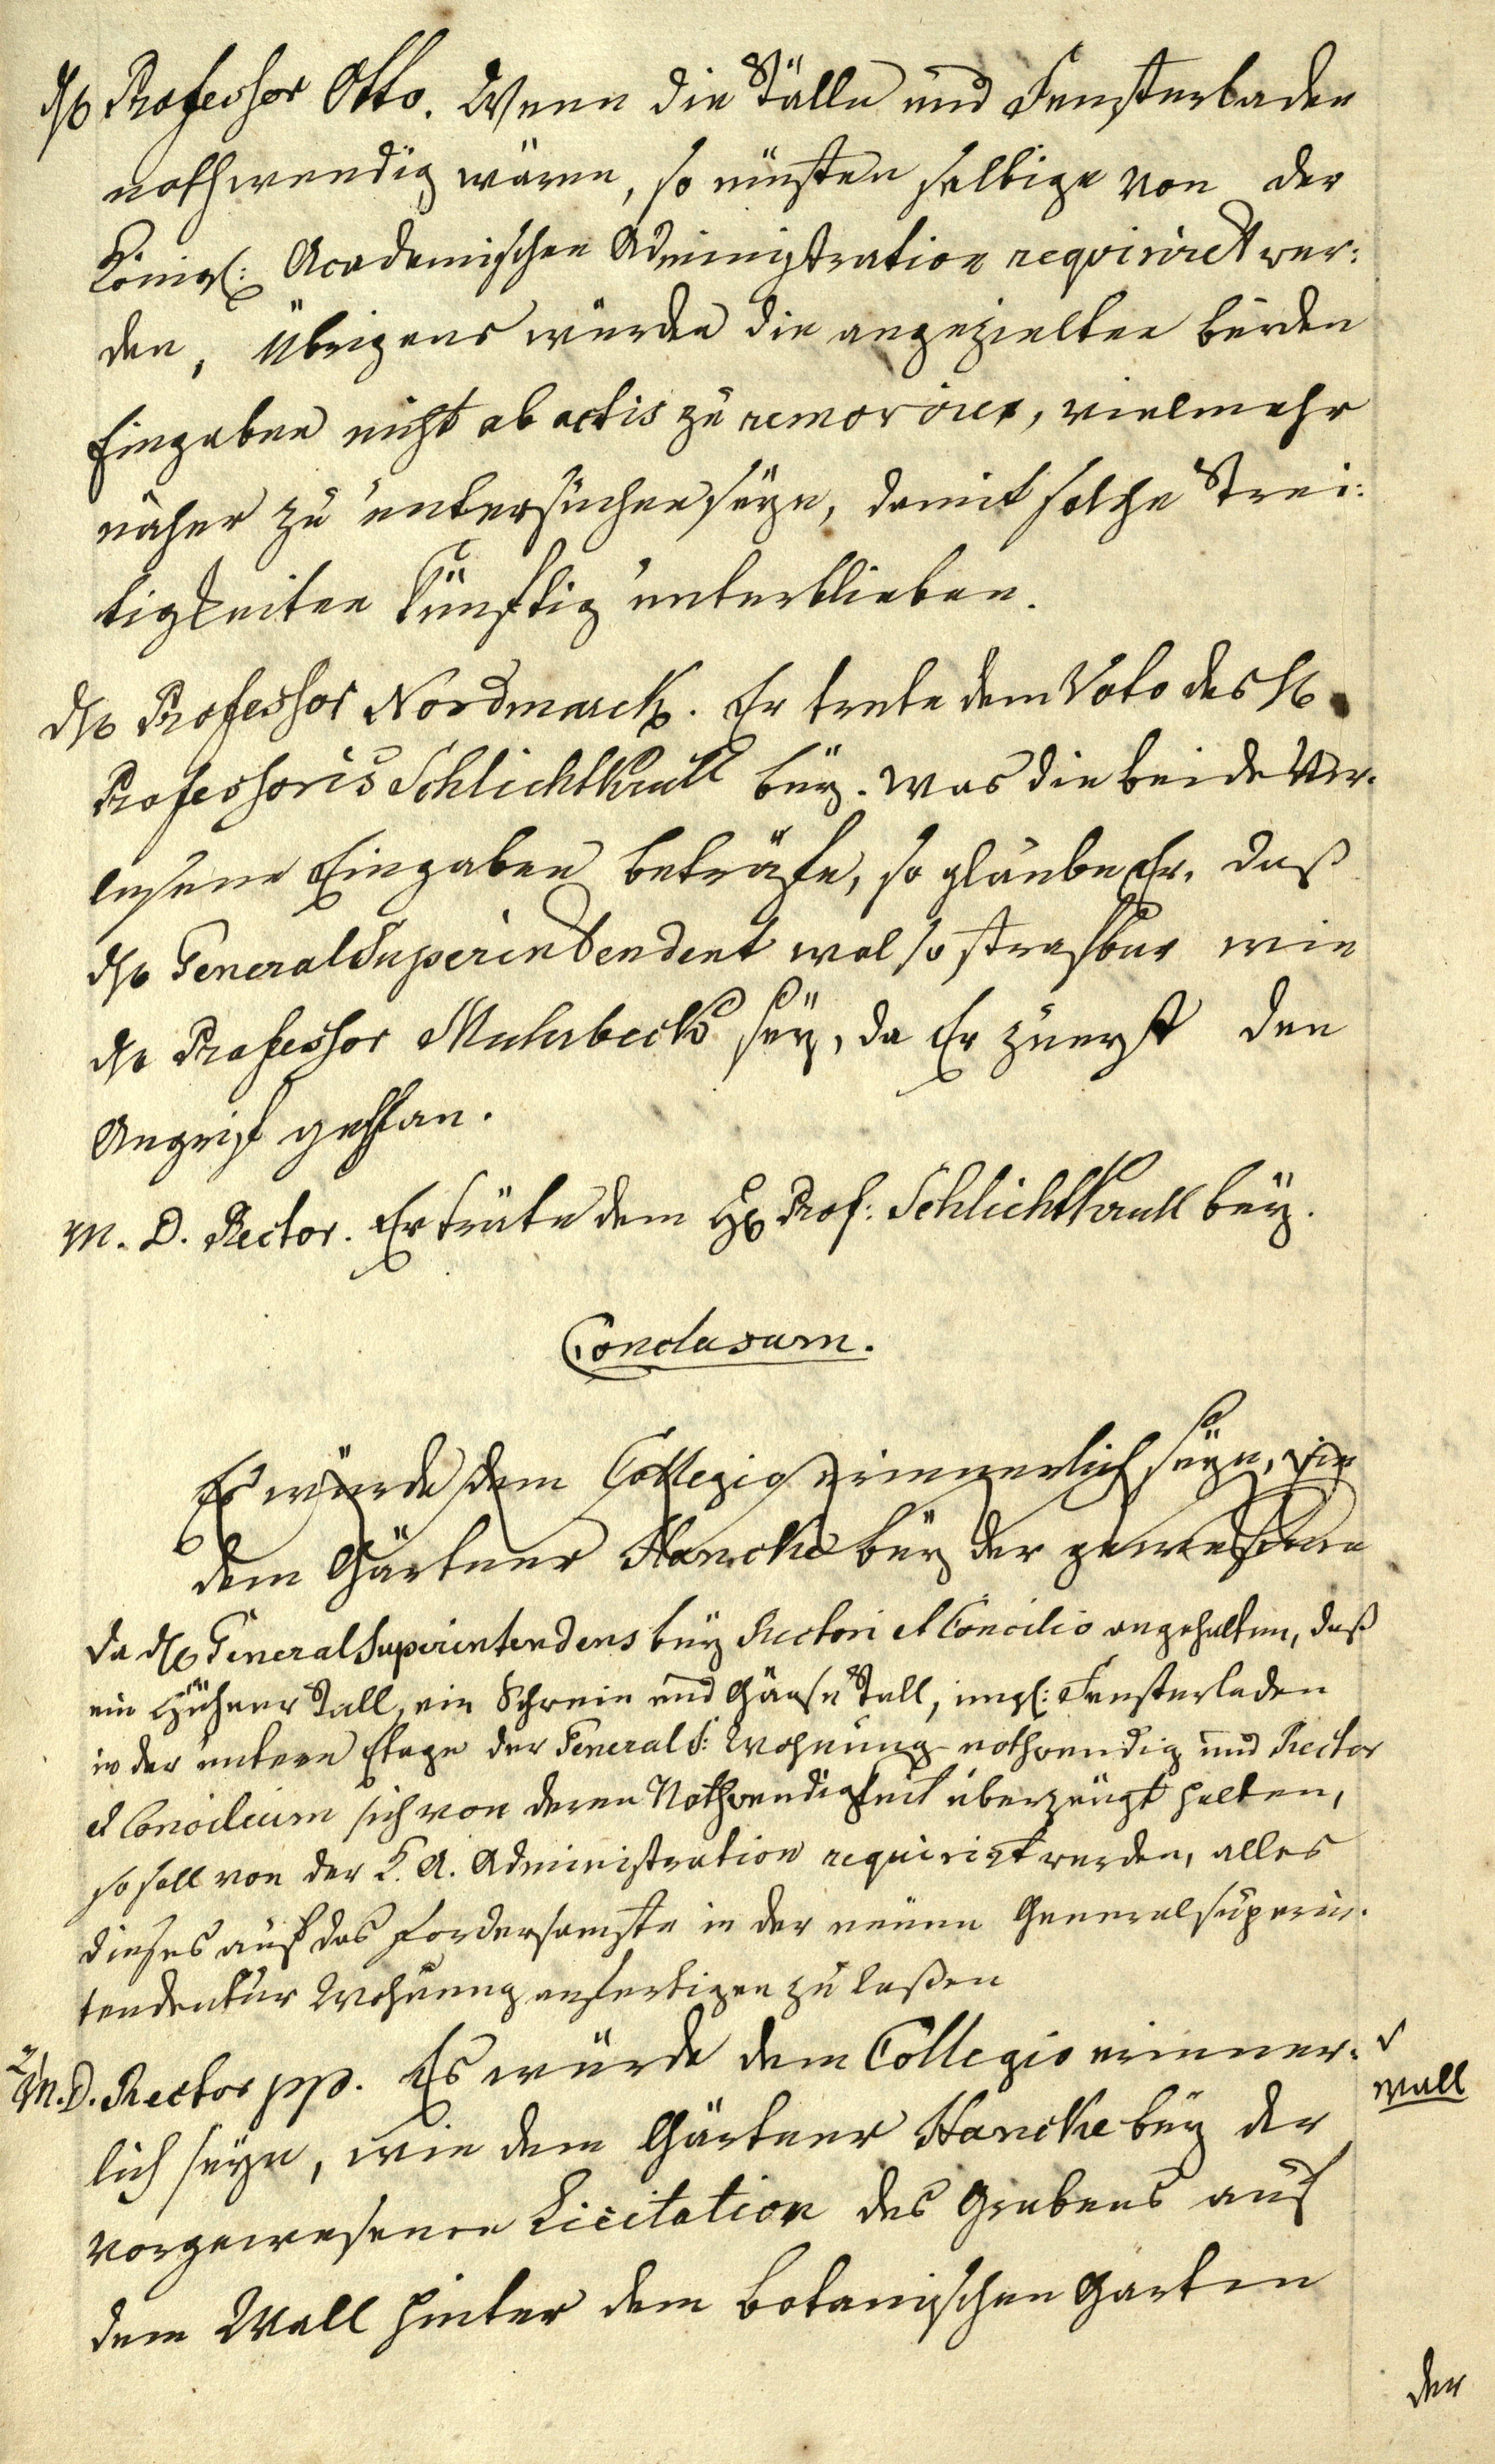dh Professor Otto. Wenn die Ställe und Fensterladen
nothwendig wären, so müsten selbige von der
Königl. Academischen Administration requiriret wer¬
den, Übrigens würden die angezielten beiden
Eingaben nicht ab actis zu removiren, vielmehr
näher zu untersuchen seÿn, damit solche Strei¬
tigkeiten künftig unterblieben.
dh Professor Nordmarck. Er trete dem Voto des H
Professoris Schlichtkrull beÿ. Was die beide ver ¬
lesene Eingaben beträfe, so glaube Er, daß
dh GeneralSuperintendent wol so strafbar wie
dh Professor Muhrbeck seÿ, da Er zuerst den
Angrif gethan.
M. D. Rector Er träte dem H Prof. Schlichtkrull beÿ.
Conclusum
Es würde dem Collegio erinnerlich seÿn, wie
dem Gärtner Hancke beÿ der gewesenen
Da dh GeneralSuperintendent beÿ Rectori et Concilio angehalten, daß
ein Hühner Stall, ein Schwein und Gänse Stall, imgl. Fensterladen
in der untern Etage der GeneralS. Wohnung nothwendig und Rector
et Concilium sich von deren Nothwendigkeit überzeugt halten,
so soll von der K. M. Administration requirirt werden, alles
dieses auf das fordersamste in der neuen Generalsuperin¬
tendentur Wohnung anfertigen zu laßen.
2. M. D. Rector pp. Es würde dem Collegio erinner¬
lich seÿn, wie dem Gärtner Hancke beÿ der
vorgewesenen Licitation des Grabens auf
dem Wall hinter dem Botanischen Garten
der